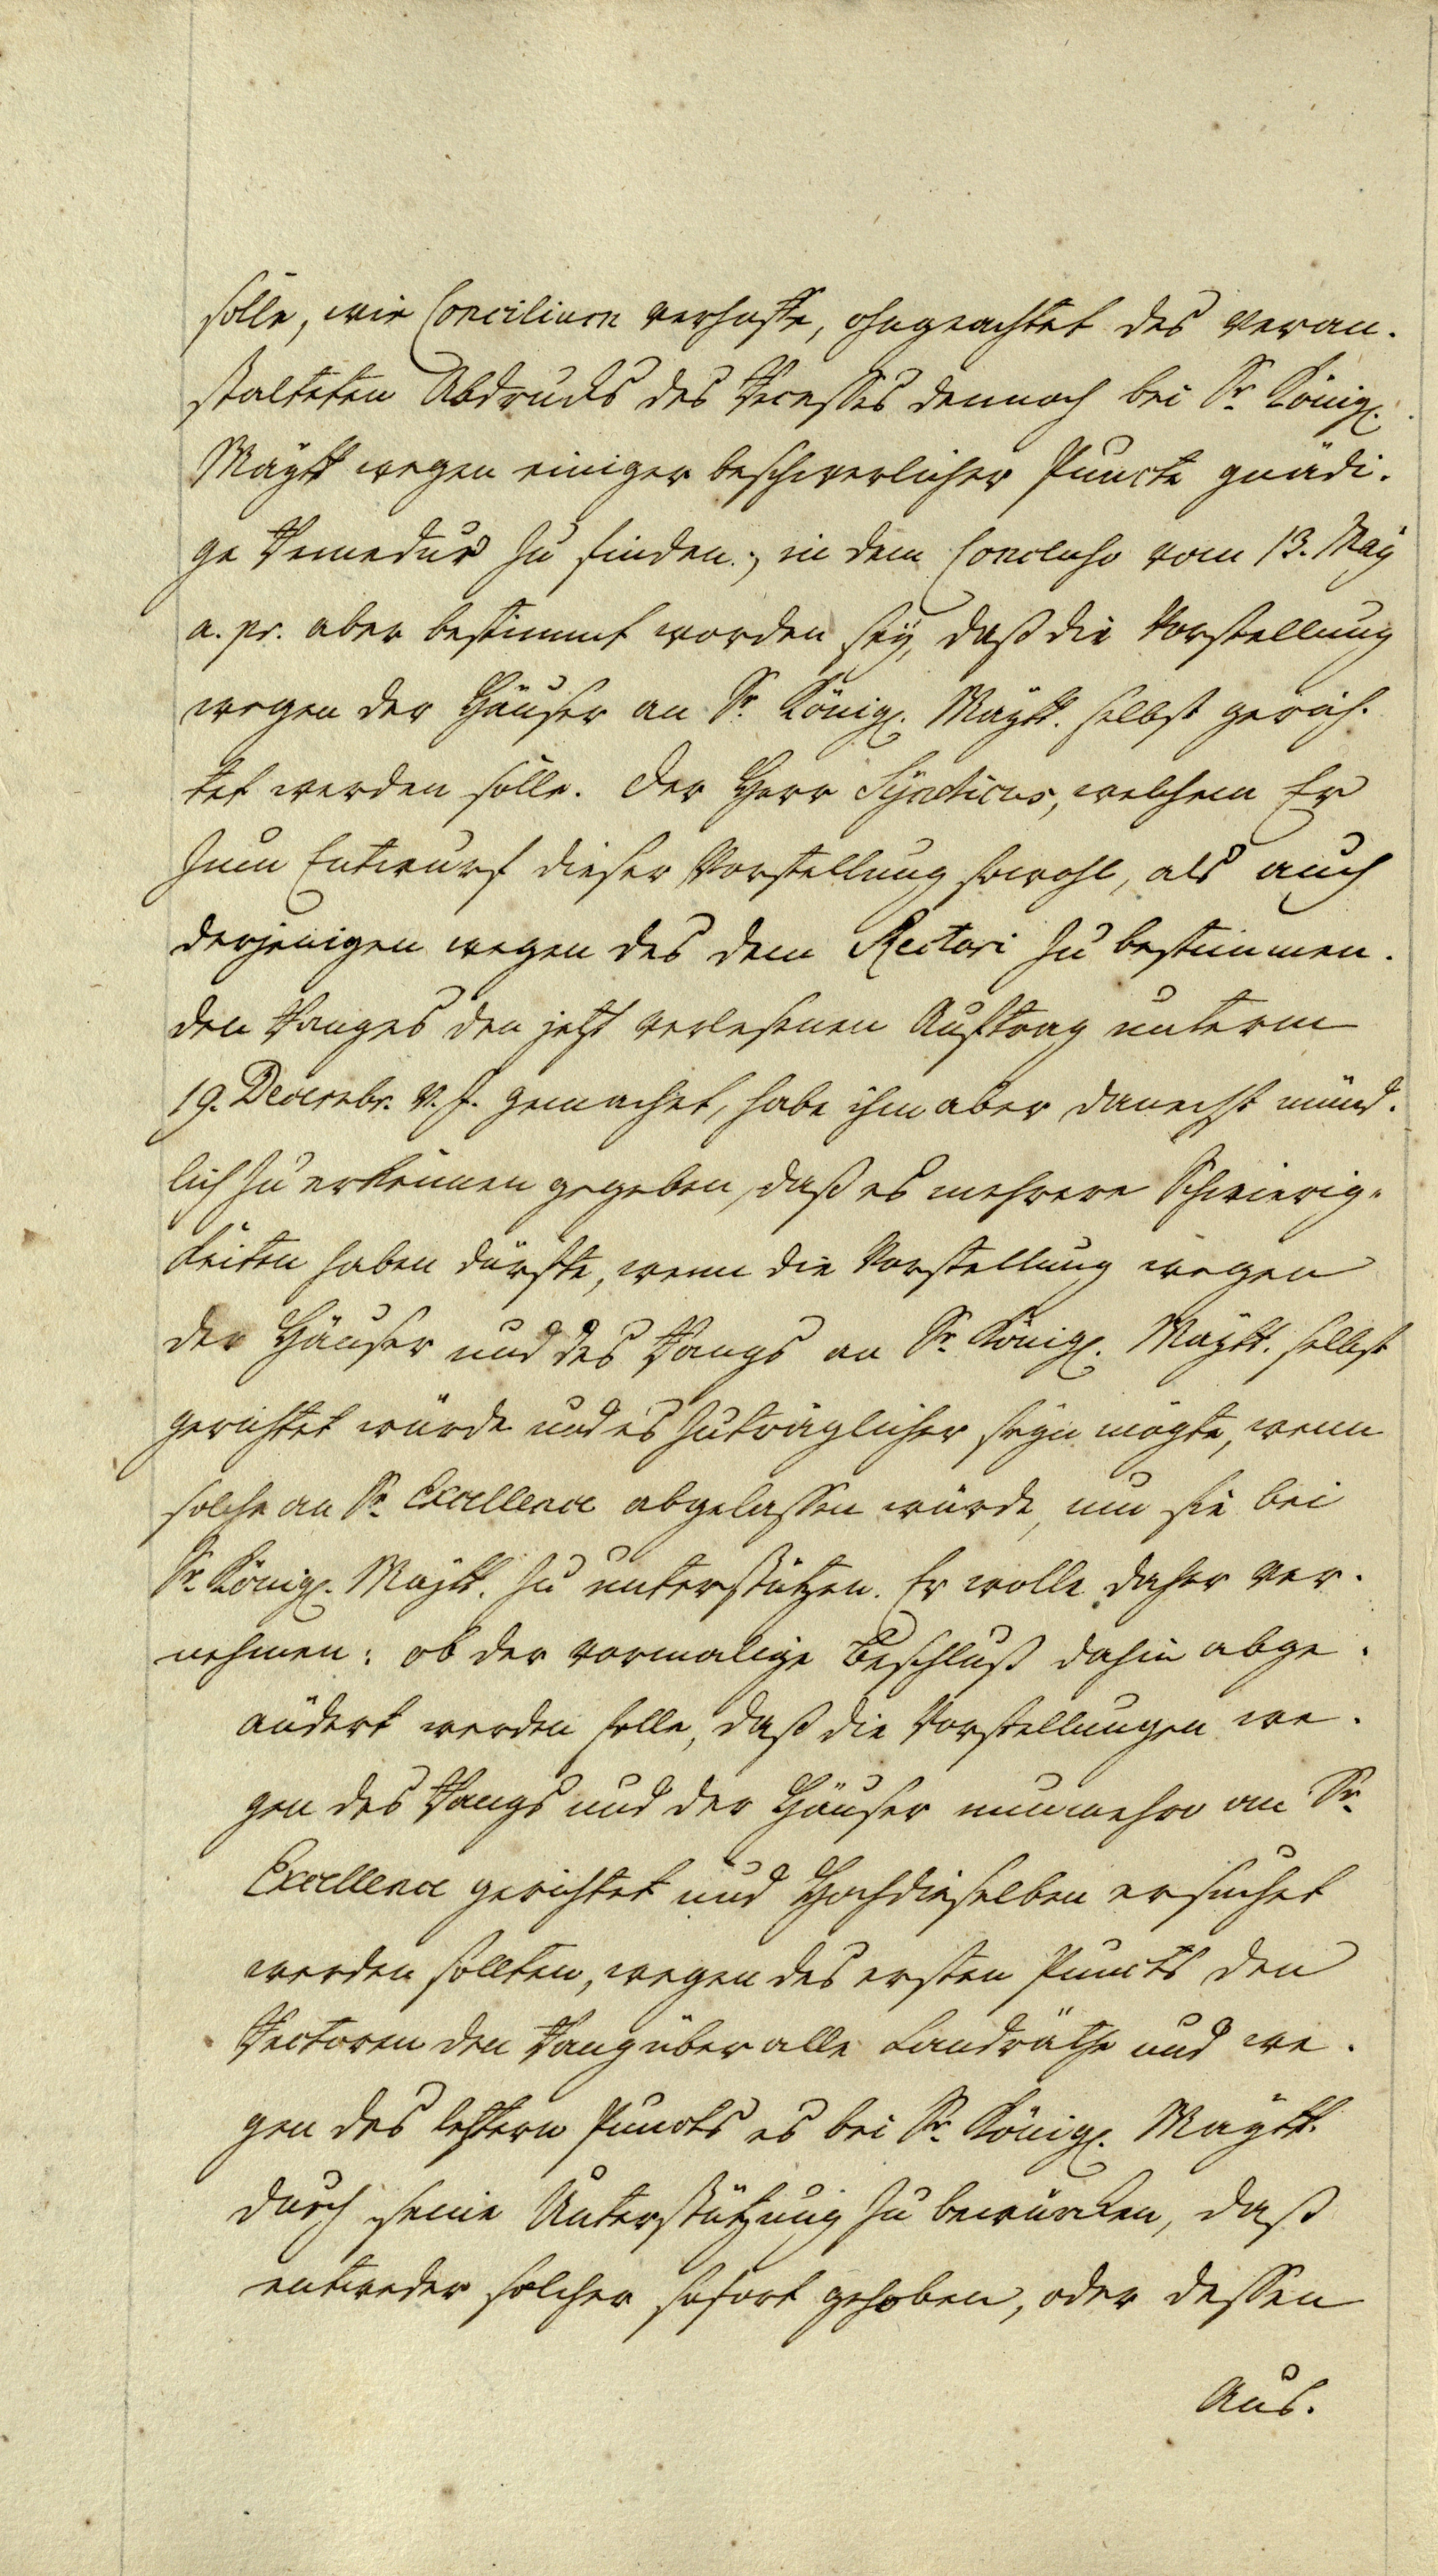solle, wie Concilium verhoffe, ohngeachtet des veran¬
stalteten Abdrucks des Recesses dennoch bei Sr. Königl.
Maÿtt. wegen einiger beschwerlicher Puncte gnädi¬
ge Remedur zu finden; in dem Concluso vom 13. Maÿ
a. pr. aber bestimmt worden seÿ, daß die Vorstellung
wegen der Häuser an Sr. Königl. Maÿtt. selbst gerich¬
tet werden solle. Der Herr Sÿndicus, welchem Er
zum Entwurf dieser Vorstellung sowohl, als auch
derjenigen wegen des dem Rectori zu bestimmen¬
den Ranges den jetzt verlesenen Auftrag unterm
19. Decembr. v. J. gemachet, habe ihm aber danechst münd¬
lich zu erkennen gegeben, daß es mehrere Schwierig¬
keiten haben dürfte, wenn die Vorstellung wegen
der Häuser und des Rangs an Sr Königl. Maÿtt. selbst
gerichtet würde und es zuträglicher seÿn mögte, wenn
solche an Sr Excellence abgelassen würde, um sie bei
Sr Königl. Maÿtt zu unterstützen. Er wolle daher ver¬
nehmen: ob der vormalige Beschluß dahin abge¬
ändert werden solle, daß die Vorstellungen we¬
gen des Rangs und der Häuser nunmehro an Sr.
Excellence gerichtet und Hochdieselben ersuchet
werden sollten, wegen des ersten Puncts den
Rectoren den Rang über alle Landräthe und we¬
gen des letztern Puncts es bei Sr Königl. Maÿtt.
durch seine Unterstützung zu bewürcken, daß
entweder solcher sofort gehoben, oder dessen
Aus¬